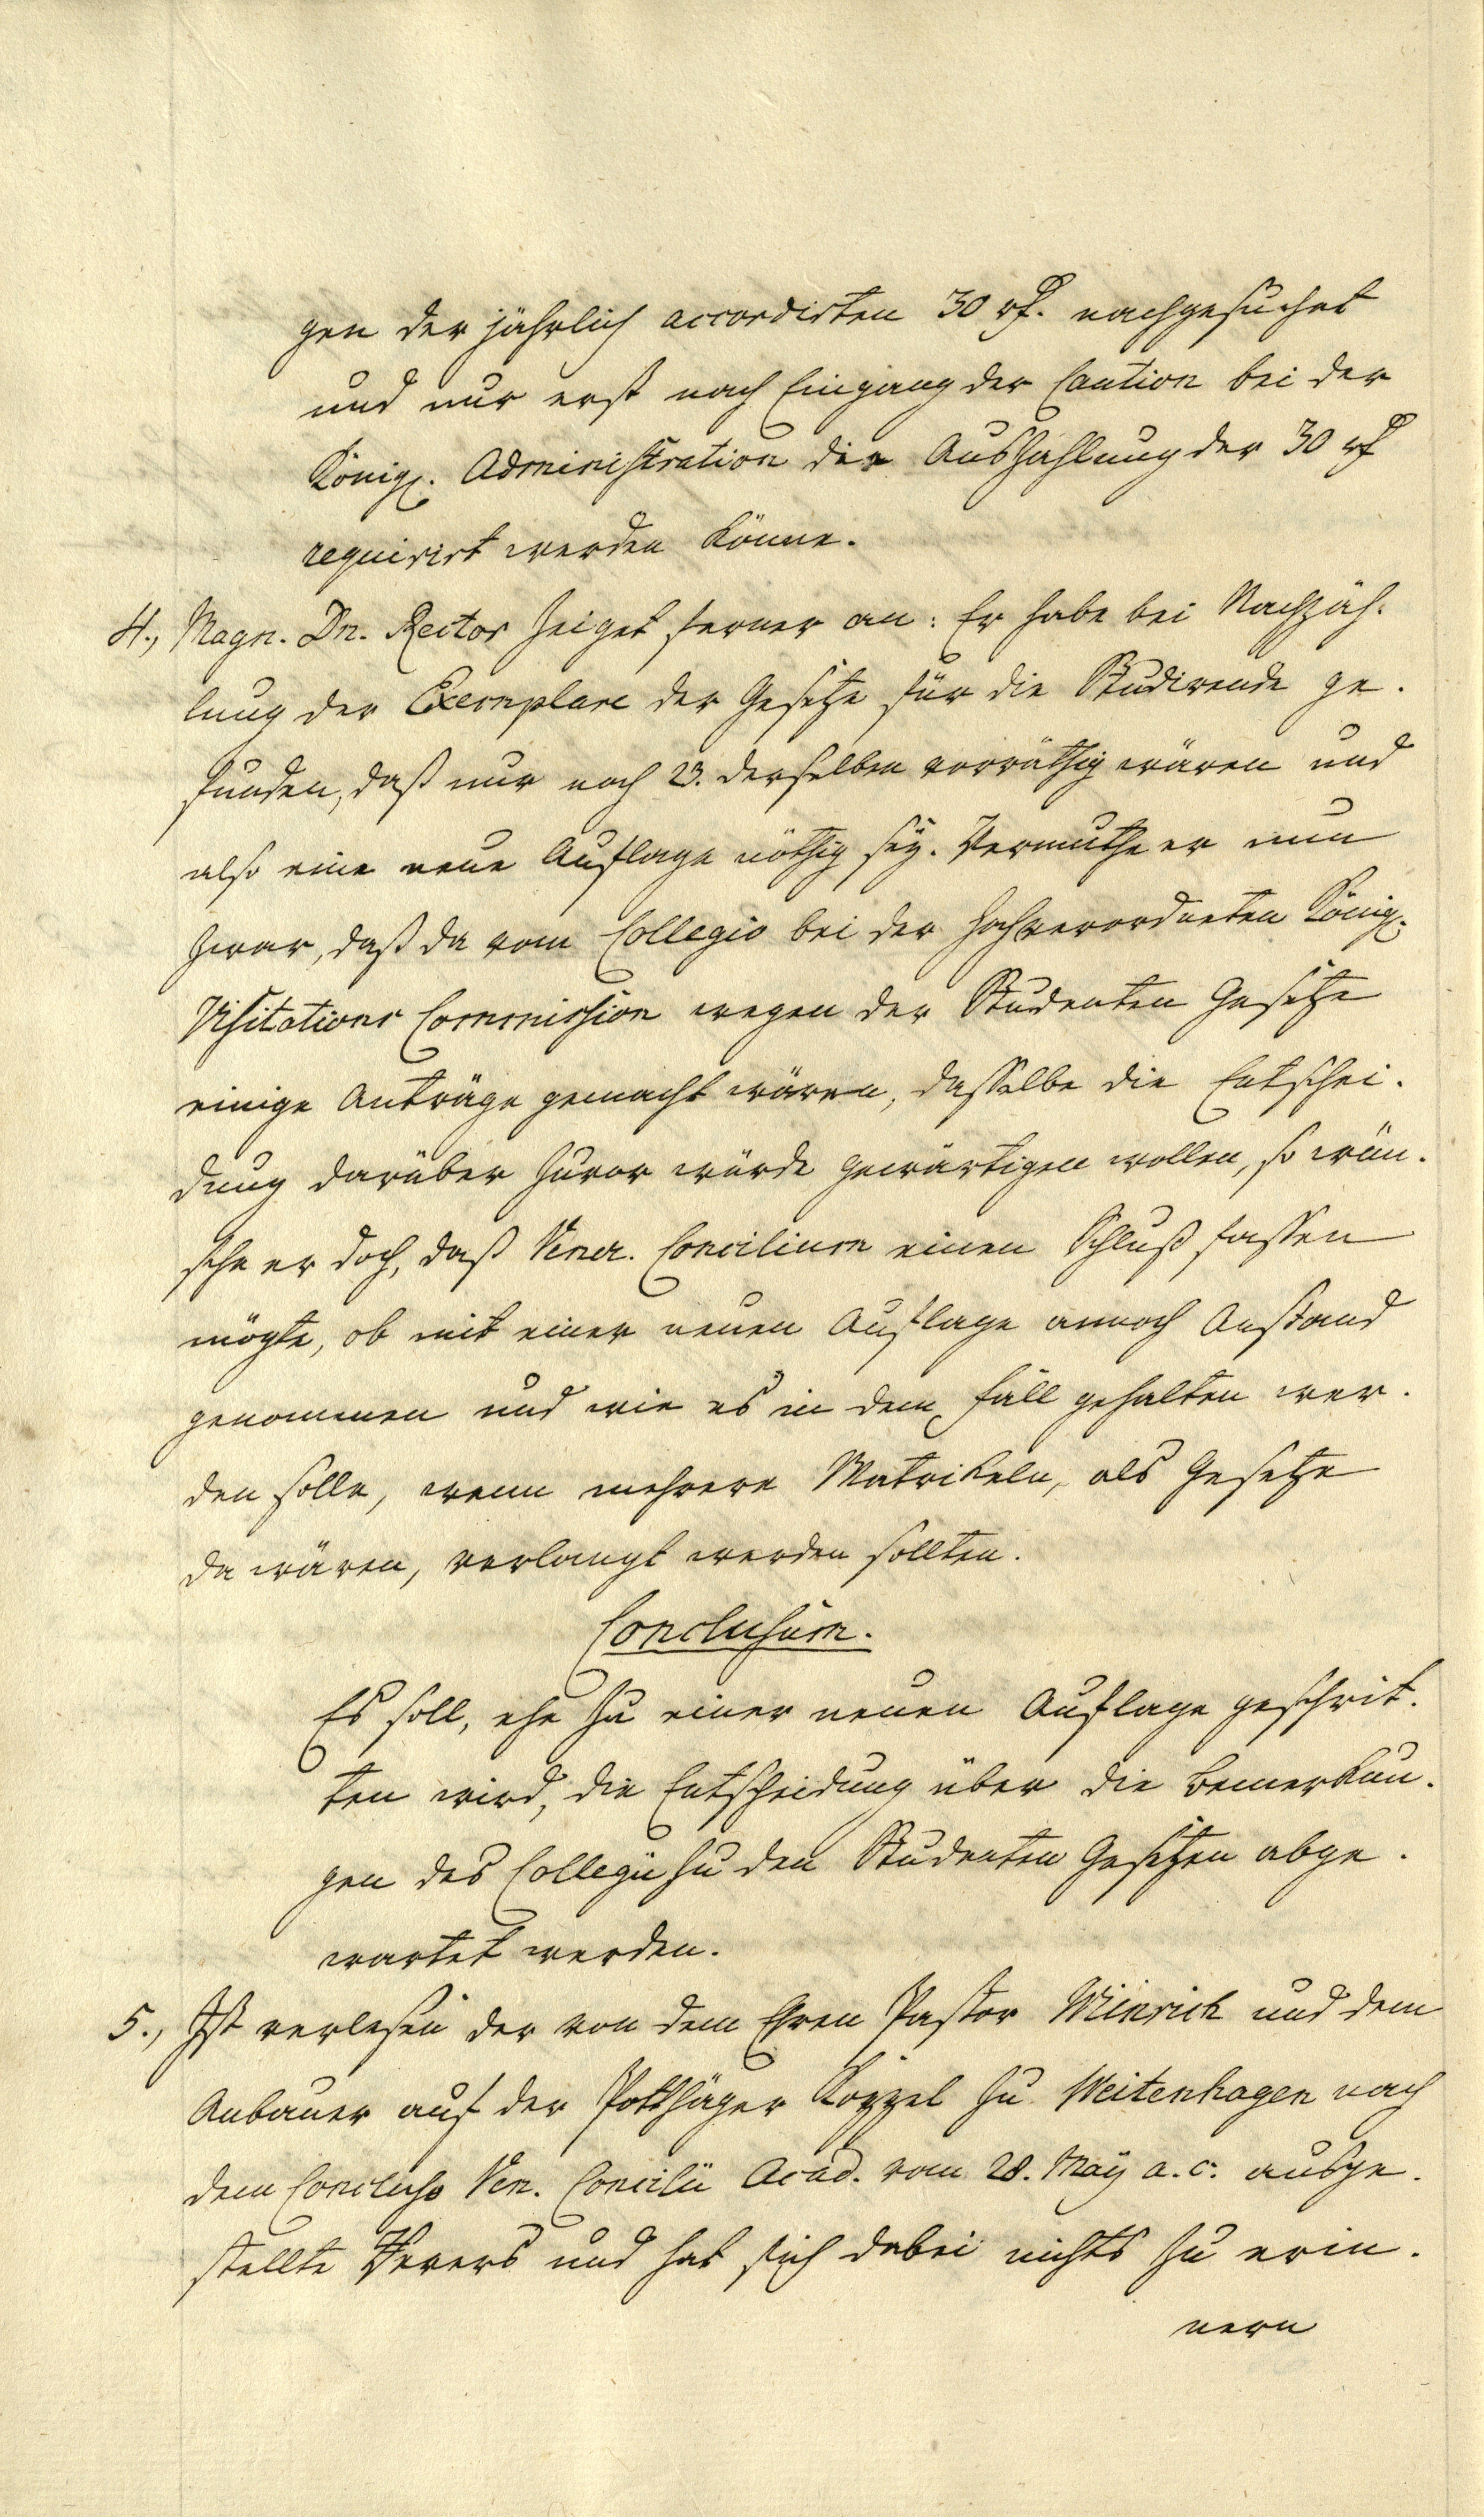gen der jährlich accordirten 30 rtl. nachgesuchet
und nur erst nach Eingang der Caution bei der
Königl. Administration die Auszahlung der 30 rtl.
requrirt werden könne.
4., Magn. Dn. Rector zeiget ferner an: Er habe bei Nachzäh-
lung der Exemplare der Gesetze für die Studirende ge-
funden, daß nur noch 23 derselben vorräthig wären und
also eine neue Auflage nöthig sey. Vermuthe er nun
zwar, daß da vom Collegio bei der hochverordneten Königl.
Visitations Commission wegen der Studenten Gesetze
einige Anträge gemacht wären, deshalbe die Entschei-
dung darüber zwar würde gewärtigen wollen, so wün-
sche er doch, daß Vener. Concilium einen Schluß fassen
mögte, ob mit einer neuen Auflage annoch Anstand
genommen und wie es in dem Fall gehalten wer-
den solle, wenn mehrere Matrikeln, als Gesetze
da wären, verlangt werden sollten.
Conclusum.
Es soll, ehe zu einer neuen Auflage geschrit-
ten wird, die Entscheidung über die Bemerkun-
gen des Collegii zu den Studenten Gesetzen abge-
wartet werden.
5. Ist verlesen der von dem Ehren Pastor Winrich und dem
Anbauer auf der Potthäger Koppel zu Weitenhagen nach
dem Concluso Ven. Concilii Acad. vom 28. May a. c. ausge-
stellte Revers und hat sich dabei nichts zu erin-
nern